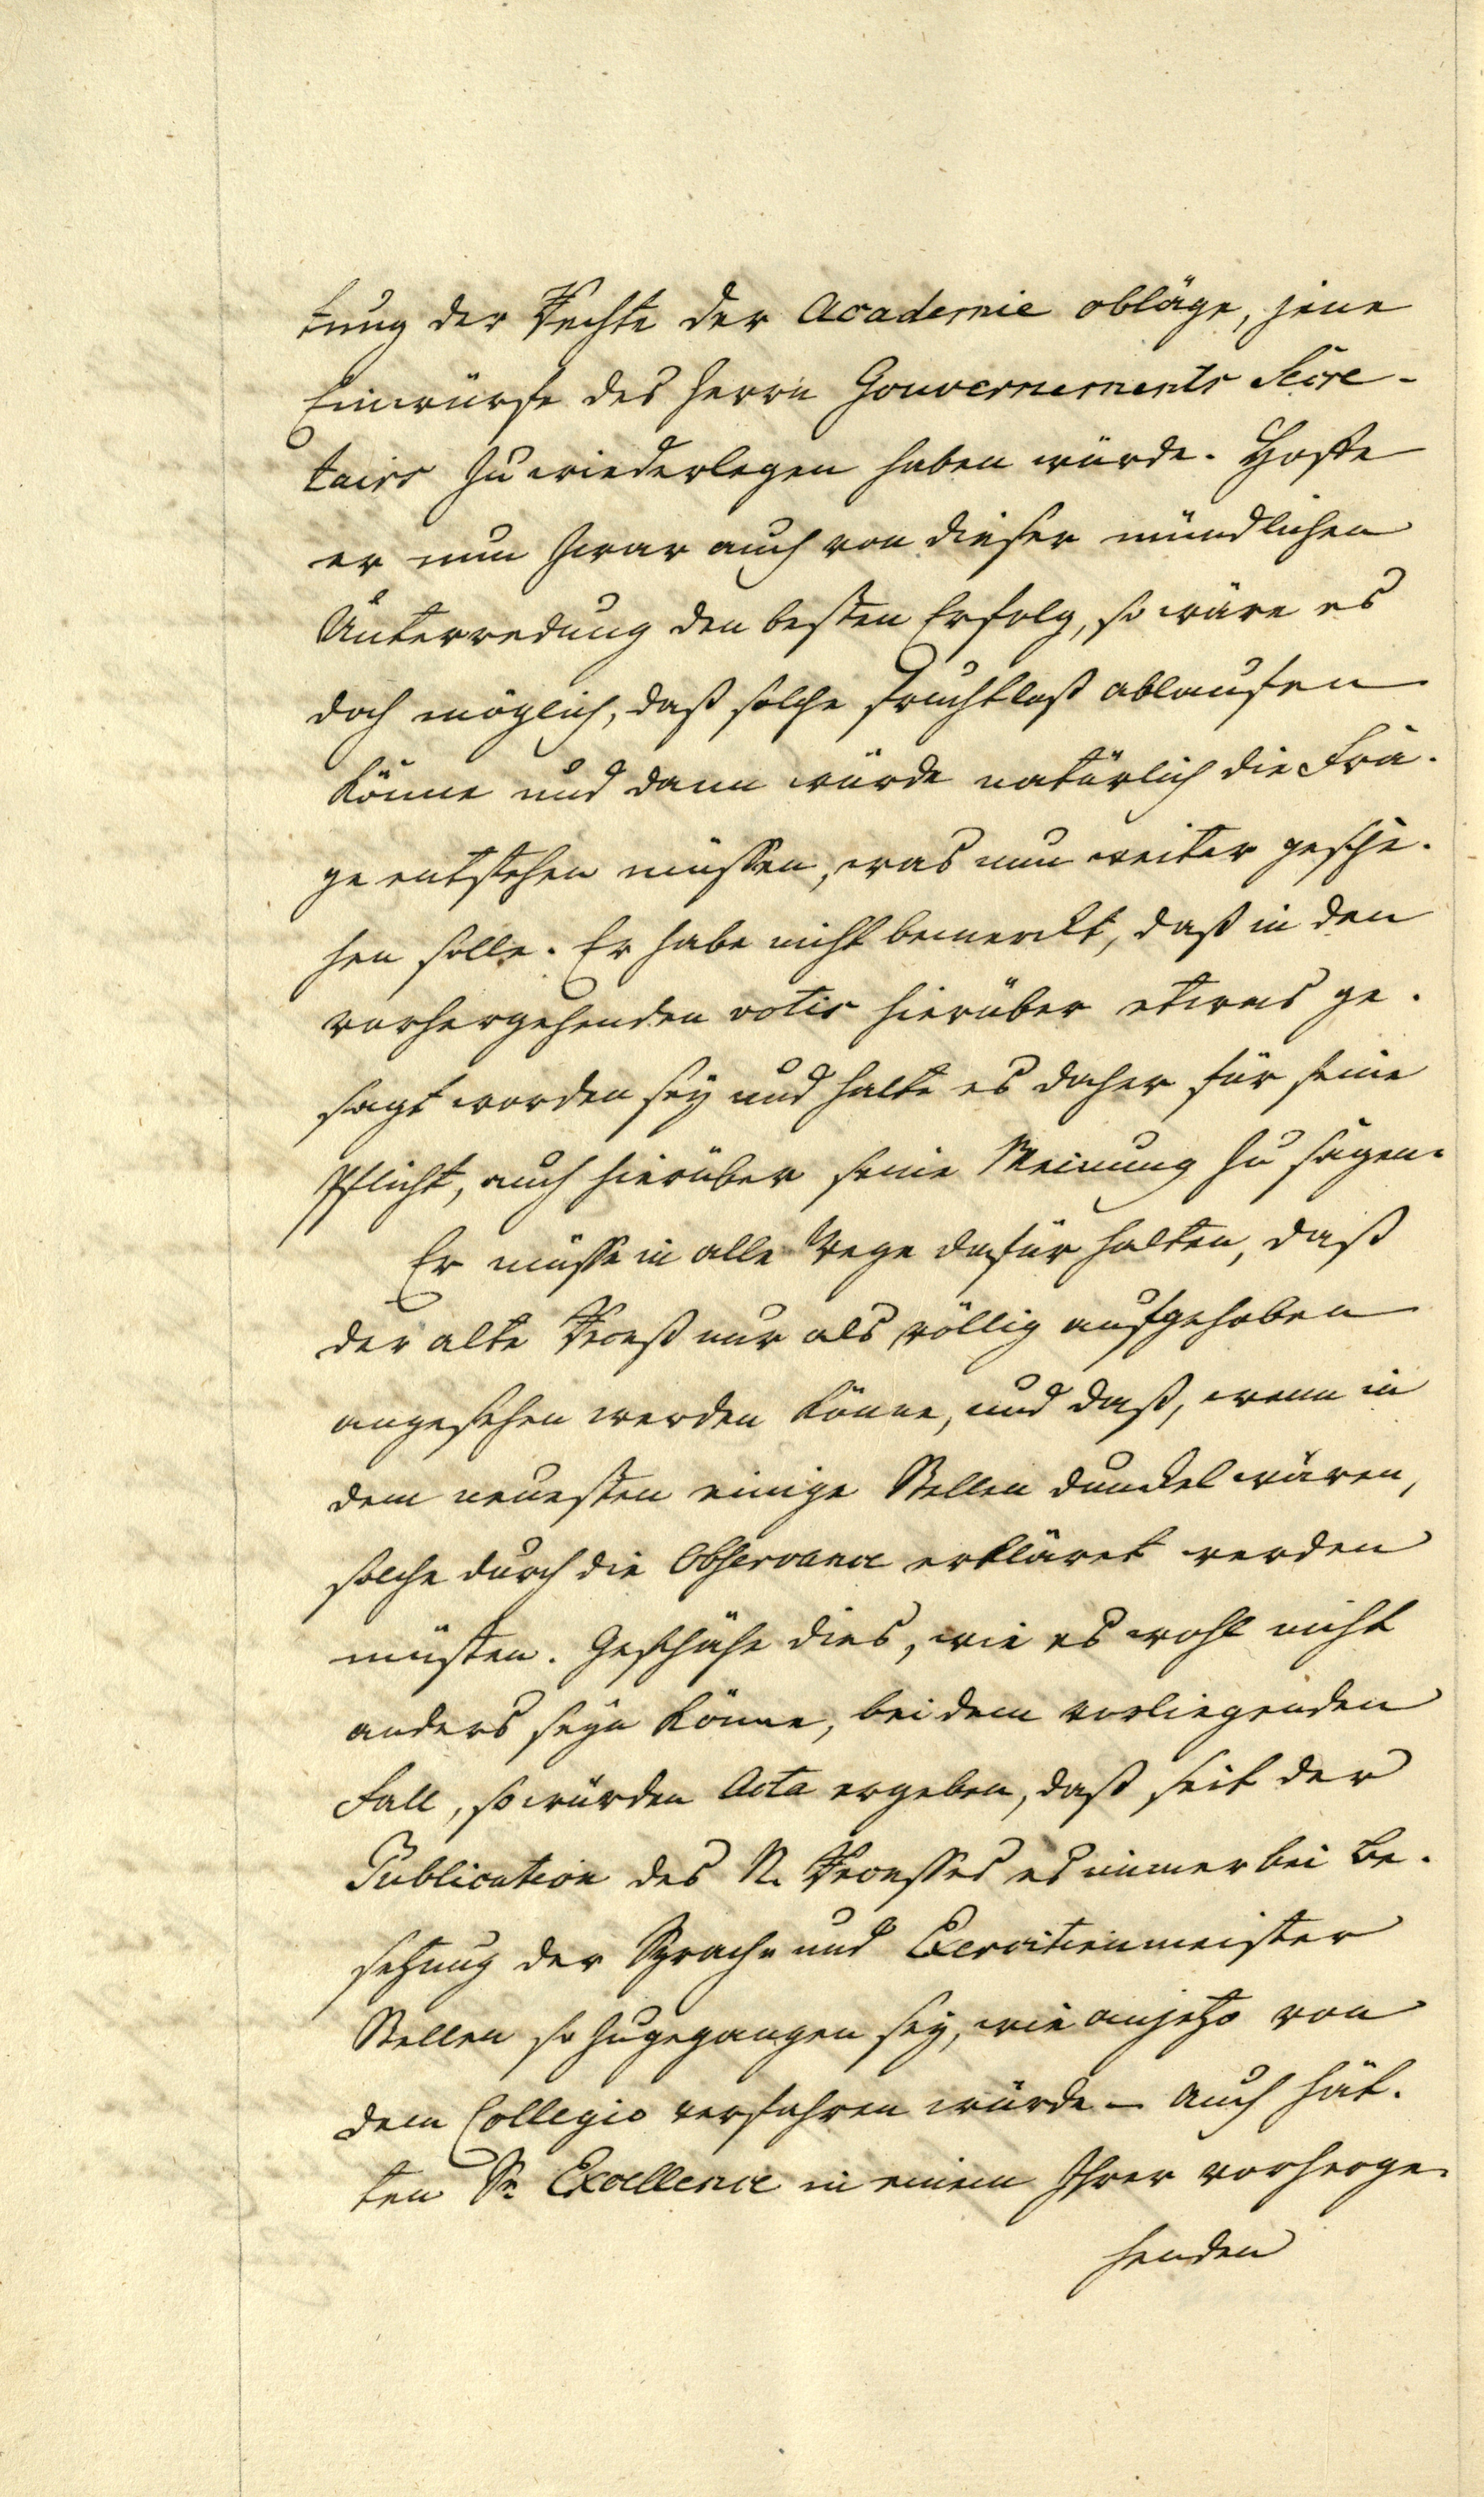tung der Rechte der Academie obläge, jene
Einwürfe des Herrn Gouvernements Secre¬
tairs zu wiederlegen haben würde. Hoffe
er nun zwar auch von dieser mündlichen
Unterredung den besten Erfolg, so wäre es
doch möglich, daß solche fruchtloß ablaufen
könne und dann würde natürlich die Fra¬
ge entstehen müssen, was nun weiter gesche¬
hen solle. Er habe nicht bemerckt, daß in den
vorhergehenden votis hierüber etwas ge¬
sagt worden seÿ und halte es daher für seine
Pflicht, auch hierüber seine Meinung zu sagen.
Er müsse in alle Wege dafür halten, daß
der alte Receß nur als völlig aufgehoben
angesehen werden könne, und daß, wenn in
dem neuesten einige Stellen dunckel wären,
solche durch die Observance erkläret werden
müsten. Geschähe dies, wie es wohl nicht
anders seÿn könne, bei dem vorliegenden
Fall, so würden Acta ergeben, daß seit der
Publication des N. Recesses ad immer bei Be¬
setzung der Sprach- und Exercitienmeister
Stellen so zugegangen seÿ, wie anjetzo von
dem Collegio verfahren würde - Auch hät¬
ten Sr Excellence in einem Ihrer vorherge¬
henden